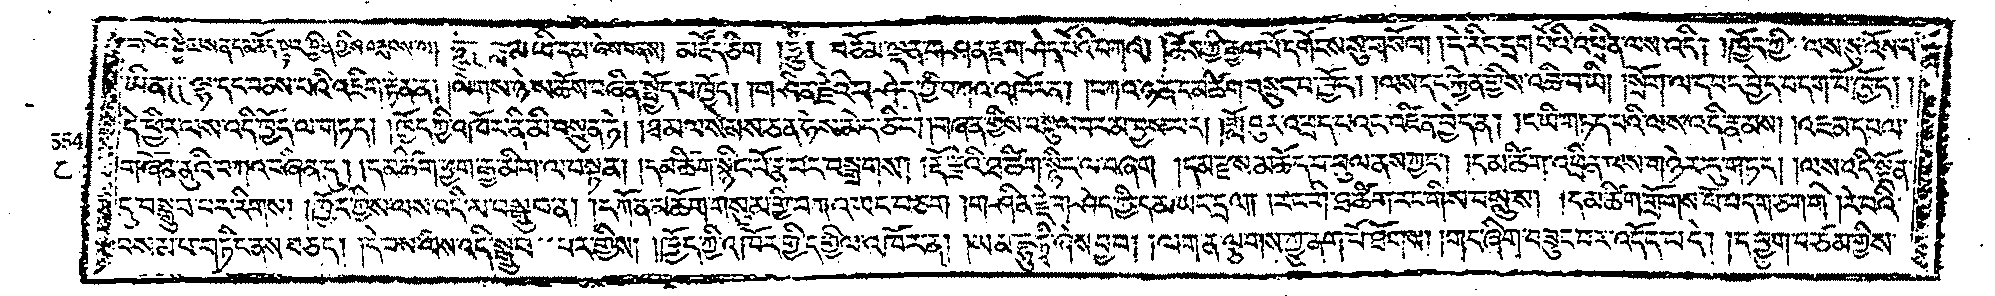གསེར་སྐྱེམས་ནང་མཆོད་ལྟར་བྱིན་གྱིས་བརླབས་ལ། ཧཱུཾ་བླ་མ་ཡི་དམ་ཞེས་པ་ནས།  མཛོད་ཅིག །ཧཱུཾ༑ བཅོམ་ལྡན་གཤིན་རྗེ་གཤེད་པོའི་བཀའ། །ཆོས་ཀྱི་རྒྱལ་པོ་དགོངས་སུ་གསོལ། །དེ་རིང་དྲག་པོའི་འཕྲིན་ལས་འདི། །ཁྱོད་ཀྱིས་ལས་སུ་འོས་པ་
ཡིན༑ ༑ལྷ་དང་བཅས་པའི་འཇིག་རྟེན་ན། །ལེགས་ཉེས་ཆོས་བཞིན་སྤྱོད་པ་ཁྱོད། །གཤིན་རྗེའི་བཤེད་ཀྱི་བཀའ་འཁོར་ན། །བཀའ་ཉན་དམ་ཚིག་བསྲུང་བ་ཁྱོད། །ལས་དང་རྐྱེན་གྱིས་འཆི་བ་ཡི། །སྲོག་ལ་དབང་བྱེད་བདག་པོ་ཁྱོད། །
དེ་ཕྱིར་ལས་འདི་ཁྱོད་ལ་གཏད། །ཁྱོད་ཀྱི་འཁོར་ནི་མི་བསྲུན་ཏེ། །ཐ་མལ་སེམས་ཅན་ཧེས་མེད་ཅིང་། །གཞན་གྱིས་བསྐུལ་བར་མ་བྱས་པར། །གློ་བུར་འཕྲད་པའང་འཛིན་བྱེད་ན། །ང་ཡི་གཏད་པའི་ལས་འདི་རྣམས། །འཇམ་དཔལ་
གཞོན་ནུའི་བཀའ་བཞིན་དུ། །དམ་ཚིག་ཕྱག་རྒྱ་མིག་ལ་བསྟན། །དམ་ཚིག་སྙིང་པོ་རྣ་བར་བསྒྲགས། །རྡོ་རྗེའི་ཐ་ཚིགས་སྙིང་ལ་བཞག །དམ་རྫས་མཆོད་པ་ཕུལ་ནས་ཀྱང་། །དམ་ཚིག་འཕྲིན་ལས་གཉེར་དུ་གཏད། །ལས་འདི་སྔོན་
དུ་བསྒྲུབ་པར་རིགས། །ཁྱོད་ཀྱིས་ལས་འདི་མ་བསྒྲུབ་ན། །དཀོན་མཆོག་གསུམ་གྱི་བཀའ་ཡང་བཅག །གཤིན་རྗེ་གཤེད་ཀྱི་དམ་ཡང་དྲལ། །རང་གི་ཐ་ཚིག་རང་གིས་བསླུས། །དམ་ཚིག་གྲོགས་པོ་བདག་ཅག་གི། །རེ་བའི་
བསམ་པ་གཏིང་ནས་བཅད། །དེ་བས་ལས་འདི་སྒྲུབ་་་་པར་གྱིས། །ཁྱོད་ཀྱི་འཁོར་གྱི་དཀྱིལ་འཁོར་ན། །ཡམ་བྷུ་ཏཱི་ཞེས་བྱ་བ། །ལག་ན་ལྕགས་ཀྱུ་ནག་པོ་ཐོགས། །གང་ཞིག་བཟུང་བར་འདོད་པ་དེ། །དབྱུག་པ་ཙམ་གྱི་